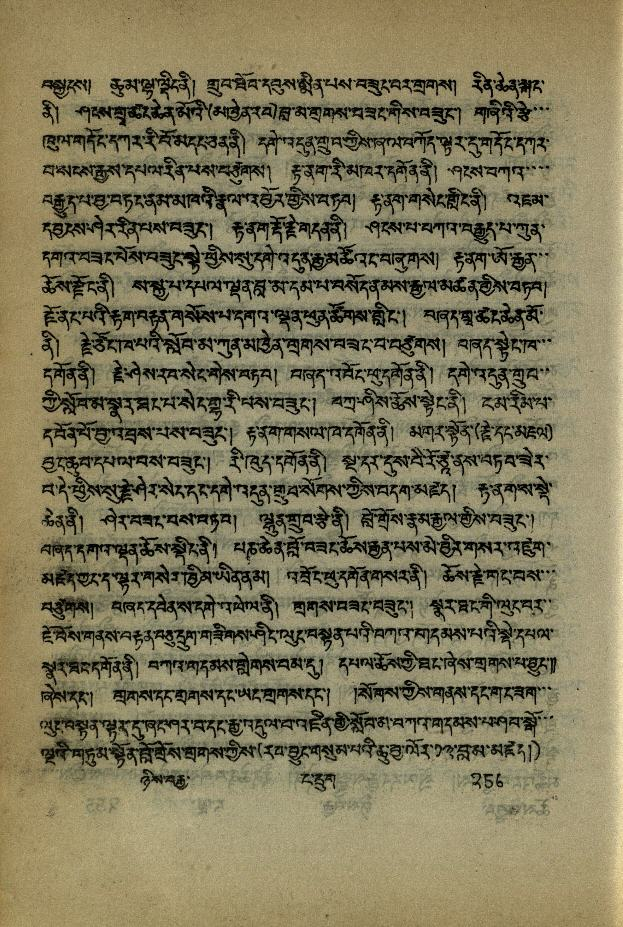བསྐྱངས། ཆུམ་ལྷ་ལྡིང་ནི། གྲུབ་ཐོབ་དབུས་སྨིན་པས་བཟུང་བར་གྲགས། རིན་ཆེན་སྒང་
ནི། ཤངས་གྲྭ་ཚང་ཆེན་མོའི་མཁྱེན་རབ་བླ་མ་གྲགས་བཟང་གིས་བཟུང་། གཞིའི་རྩེ་
ཁུལ་གདོང་དཀར་རི་བོ་མ་དང་ཅན་ནི། དགེ་འདུན་གྲུབ་ཀྱིས་ཞལ་བཀོད་ལྟར་དུ་གདོང་དཀར་
བ་སངས་རྒྱས་དཔལ་རིན་པོས་བཙུགས། རྟ་ནག་རི་མཁར་དགོན་ནི། ཤངས་བཀའ་
བརྒྱུད་པ་བྱ་བཏང་ནམ་མཁའི་རྣལ་འབྱོར་གྱིས་བཏབ། རྟ་ནག་གསེང་གླིང་ནི། འཇམ་
དབྱངས་ཤེར་རིན་པས་བཟུང་། རྟ་ནག་རྡོ་རྗེ་གདན་ནི། ཤངས་པ་དཀའ་བརྒྱུད་པ་ཀུན་
དགའ་བཟང་པོས་བཟུང་སྟེ་ཕྱིས་སུ་དགེ་འདུན་རྒྱ་མཚོ་འང་བཞུགས། རྟ་ནག་ཨོ་རྒྱན་
ཆོས་རྫོང་ནི། ས་སྐྱ་པ་དཔལ་ལྡན་བླ་མ་དམ་པ་བསོད་ནམས་རྒྱལ་མཚན་གྱིས་བཏབ།
ཇོ་ནང་པའི་རྟག་བརྟན་གསོས་པ་དགའ་ལྡན་ཕུན་ཚོགས་གླིང་། །བཞད་གྲྭ་ཚང་ཆེན་མོ་
ནི། རྗེ་ཙོང་ཁ་པའི་སློབ་མ་ཀུན་མཁྱེན་གྲགས་བཟང་བ་བཙུགས། བཞད་སྟེང་ཁ་
དགོན་ནི། རྗེ་ཤེས་རབ་སེང་གེས་བཏབ། བཞད་འབོང་ཕུ་དགོན་ནི། དགེ་འདུན་གྲུབ་
ཀྱི་སློབ་མ་སྣར་ཐང་པ་སེང་གྷ་རི་པས་བཟུང་། བཀྲ་ཤིས་ཆོས་སྟེང་ནི། ངམ་རིམ་པ་
དབོན་པོ་བྱ་འབྲས་པས་བཟུང་། རྟ་ནག་གསལ་ཁ་དགོན་ནི། མགར་སྟོན་རྗེ་དང་མཇལ
བྱང་ཆུབ་དཔལ་བས་བཟུང་། རི་ཁྲུད་དགོན་ནི། སྔ་དར་དུས་བཻ་རོ་ཙཱ་ནས་བཏབ་ཟེར་
བ་དེ་ཕྱིས་སུ་རྗེ་ཤེར་སེང་དང་དགེ་འདུན་གྲུབ་སོགས་ཀྱིས་བདག་མཛད། རྟ་ནག་ས་སྡེ་
ཆེན་ནི། ཤེར་བཟང་བས་བཏབ། ལྷུན་གྲུབ་རྩེ་ནི། བློ་གྲོས་རྣམ་རྒྱལ་གྱིས་བཟུང་།
བཞད་དགའ་ལྡན་ཆོས་སྡིང་ནི། པཎ་ཆེན་བློ་བཟང་ཆོས་རྒྱན་པས་མེ་བྱིར་གསར་འཛུག་
མཛད་ཀྱང་ད་ལྟར་གསེར་ཁྱིམ་ཡིན་ནམ། འབྲོང་ཕུ་དགོན་གསར་ནི། ཆོས་རྗེ་གང་བས་
བཙུགས། བཞད་དབེན་ས་དགེ་འཕེལ་ནི། གྲགས་བཟང་བཟུང་། སྣར་ཐང་གི་ལུང་བྲ་
ཇོ་བོས་གནས་བརྟན་བཅུ་དྲུག་གཟིགས་ཤིང་ལུང་བསྟན་པའི་བཀའ་གདམས་པའི་སྡེ་དཔལ་
སྣར་ཐང་དགོན་ནི། བཀའ་གདམས་གླེགས་བམ་དུ། དཔལ་ཆོས་ཀྱི་ཐང་ཞེས་གྲགས་པ་བྱུང།།
ཞེས་དང་། གྲགས་དང་གྲགས་དང་ཡང་གྲགས་དང་། །སོགས་ཀྱིས་གནས་དང་གང་ཟག་
ལུང་བསྟན་ལྟན་དུ་ཞང་ཤར་བ་དང་རྒྱ་འདུལ་བ་འཛིན་གྱི་སློབ་མ་བཀའ་གདམས་པ་ཤབ་སྒོ་
ལྔའི་གཏུམ་སྟོན་བློ་གྲོས་གྲགས་ཀྱིས་རབ་བྱང་གསུམ་པའི་ཆུ་བྱ་ལོར ༡༣་བླ་མ་མཛད།